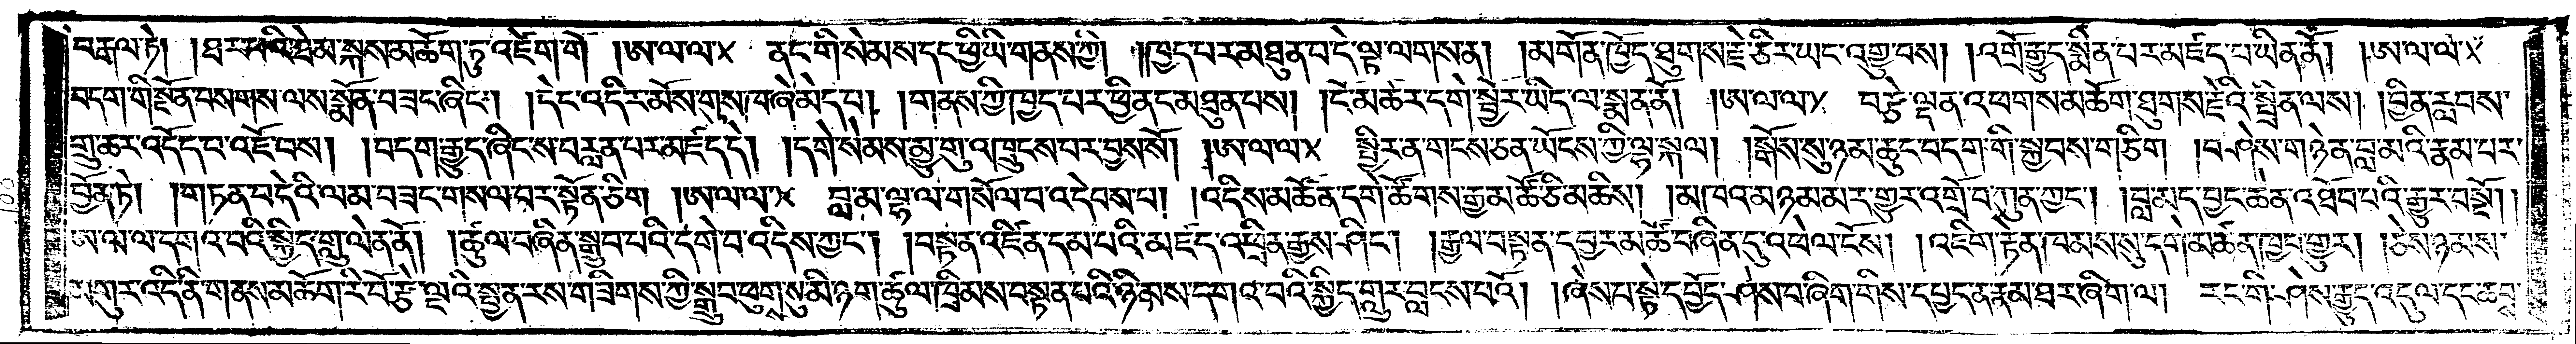བརྒལ་ཏེ། །ཐར་པའི་ཐེམ་སྐས་མཆོག་ཏུ་འཇོག་གོ །ཨ་ལ་ལ་྾་ནང་གི་སེམས་དང་ཕྱི་ཡི་གནས་ཀྱི། །ཁྱད་པར་མཐུན་པ་དེ་ལྟ་ལགས་ན། །མགོན་ཁྱོད་ཐུགས་རྗེ་ཅིར་ཡང་འགྱུ་བས། །འགྲོ་རྒྱུད་སྨིན་པར་མཛད་པ་ཡིན་ནོ། །ཨ་ལ་ལ་྾་
བདག་གི་སྔོན་བསགས་ལས་སྨོན་བཟང་ཞིང་། དེང་འདིར་མོས་གུས་ཁ་ཞེ་མེད་བ། །གནས་ཀྱི་ཁྱད་པར་ཕྱི་ནང་མཐུན་པས། །ངོ་མཚར་དགེ་སྦྱོར་ཡིད་ལ་སྨན་ནོ། །ཨ་ལ་ལ་྾་བརྩེ་ལྡན་འཕགས་མཆོག་ཐུགས་རྗེའི་སྤྲིན་ལས། །བྱིན་རླབས་
གྲུ་ཆར་འདོད་བ་འཇོ་བས། །བདག་རྒྱུད་ཞིང་ས་བརླན་པར་མཛད་དེ། །དགེ་སེམས་མྱུ་གུ་འཁྲུངས་པར་བྱས་སོ། །ཨ་ལ་ལ་྾་སྤྱིར་ན་གངས་ཅན་ཡོངས་ཀྱི་ལྷ་སྐལ། །སྒོས་སུ་ཉམ་ཆུང་བདག་གི་སྐྱབས་གཅིག །བཤེས་གཉེན་བླ་མའི་རྣམ་པར་
བྱོན་ཏེ། །གཏན་བདེའི་ལམ་བཟང་གསལ་བར་སྟོན་ཅིག །ཨ་ལ་ལ་྾་བླ་མ་ལྷ་ལ་གསོལ་བ་འདེབས་པ། །འདིས་མཚོན་དགེ་ཚོགས་རྒྱ་མཚོ་ཅི་མཆིས། །མཁའ་མཉམ་མར་གྱུར་འགྲོ་བ་ཀུན་ཀྱང་། བླ་མེད་བྱང་ཆེན་འཐོབ་བའི་རྒྱུར་བསྔོ། །
ཨ་ལ་ལ་དགའ་བའི་སྐྱིད་གླུ་ལེན་ནོ། །ཚུལ་བཞིན་སྒྲུབ་པའི་དགེ་བ་འདིས་ཀྱང་། །བསྟན་འཛིན་དམ་པའི་མཛད་འཕྲིན་རྒྱས་ཤིང་། །རྒྱལ་བསྟན་དབྱར་མཚོ་བཞིན་དུ་འཕེལ་ངོས། །འཇིག་རྟེན་ཁམས་སུ་དགེ་མཚན་ཁྱབ་གྱུར། །ཅེས་ཉམས་
མགུར་འདི་ནི་གནས་མཆོག་རི་བོ་རྩེ་ལྔའི་སྤྱན་རས་གཟིགས་ཀྱི་སྒྲུབ་ཕུགས་སུ་མི་ཉག་ཚུལ་ཁྲིམས་བསྟན་པའི་ཉི་མས་དགའ་བའི་སྐྱིད་གླུར་བླངས་པའོ། །ཞེས་པ་སྟེ་དཔྱོད་ཤེས་པ་ཞིག་གིས་དཔྱད་ན་རྣམས་ཐར་ཞིག་ལ། རང་གི་ཤེས་རྒྱུད་འདུལ་དང་ཆབས་